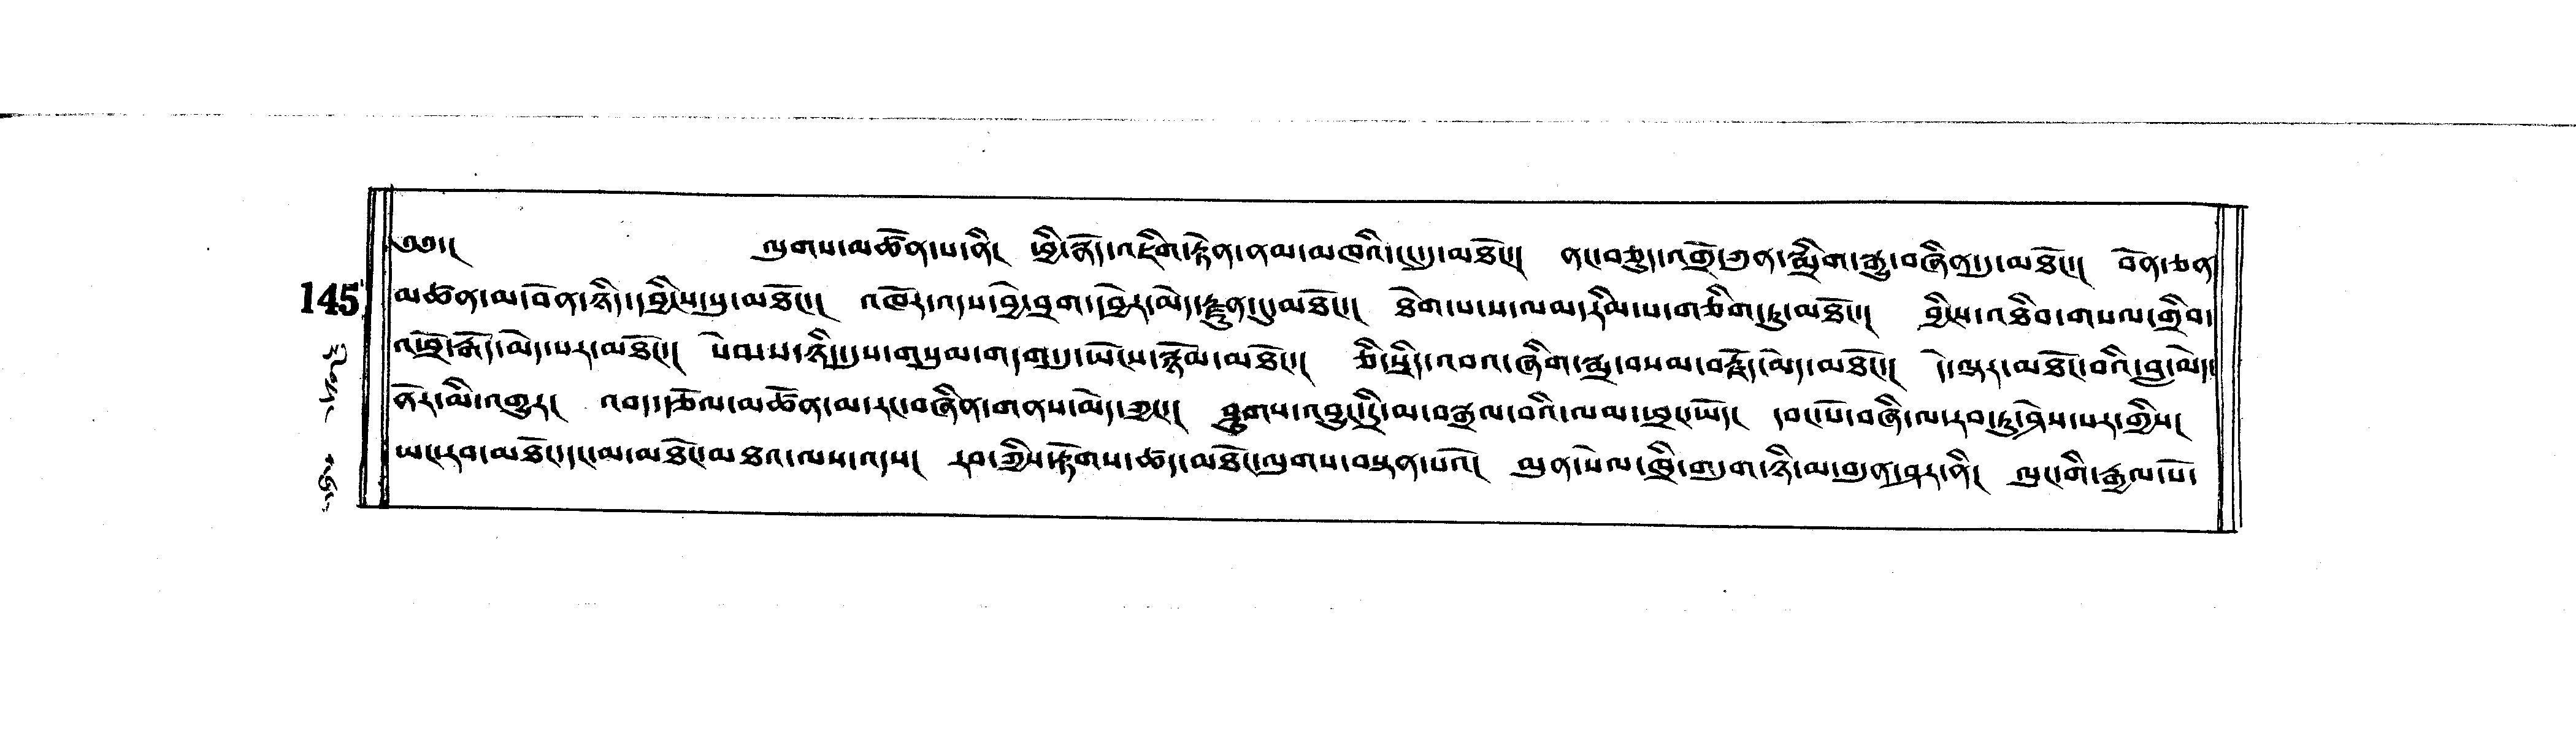ལུགས་མཚོན་པ་ནི། ཕྱི་སྣོད་འཇིག་རྟེན་ནམ་མཁའི་ངང་དུ་མཐོང་། ནང་བཅུད་འགྲོ་ཀུན་སྨྲིག་སྒྱུ་བཞིན་དུ་མཐོང་། བོན་ཅན་
མཚན་མ་བོན་ཉིད་དབྱིངས་སུ་མཐོང་། འཁོར་འདས་བྱེ་བྲག་དབྱེར་མེད་རྫུན་དུ་མཐོང་། ཐེག་པ་ས་ལམ་རིམ་པ་གཅིག་ཏུ་མཐོང་། བྱིང་འཐིབ་གསལ་འགྲིབ་
འཕྲོ་རྒོད་མེད་པར་མཐོང་། སེམས་ཉིད་དུས་གསུམ་བདག་ཏུ་ཡོངས་སྙོམས་མཐོང་། ཅི་སྲིད་འབའ་ཞིག་སྨྲ་བསམ་བརྗོེད་མེད་མཐོང་། དེ་ལྟར་མཐོང་བའི་བླ་མེད་
ནོར་མི་འགྱུར། འབད་རྩོལ་མཚན་མ་རང་བཞིན་གནས་མེད་ཀྱང་། ཤུགས་འབྱུང་དྲི་མ་བསྒྲལ་བའི་ལམ་འཕྲང་ཡོད། དབང་པོ་བཞི་ལ་རབ་ཏུ་ཤེས་པར་གྱིས། 
ཡང་རབ་མཐོང་དང་མ་མཐོང་མཐའ་ལས་འདས། རབ་ཀྱིས་རྟོགས་ཚད་མཐོང་ལུགས་བསྟན་པའོ། མུན་སེལ་ཁྲི་གདུག་ཉི་མ་བདུན་ཤར་ནི། ལུང་གི་རྒྱལ་པོ་